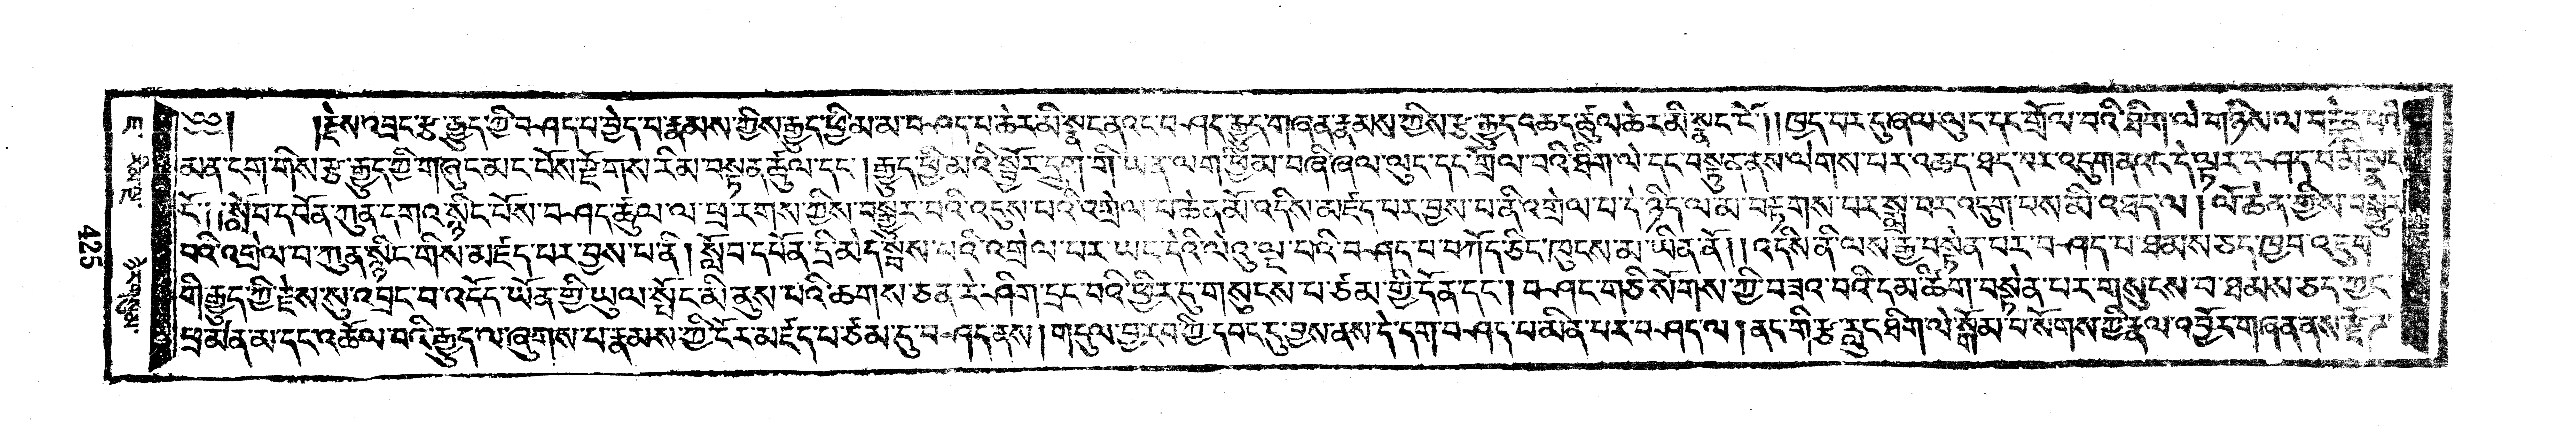༄༅། །རྗེས་འབྲང་རྩ་རྒྱུད་ཀྱི་བཤད་པ་བྱེད་པ་རྣམས་ཀྱིས་རྒྱུད་ཕྱི་མ་མ་བཤད་པ་ཆེར་མི་སྣང་ནའང་བཤད་རྒྱུད་གཞན་རྣམས་ཀྱིས་རྩ་རྒྱུད་འཆད་ཚུལ་ཆེར་མི་སྣང་ངོ། །ཁྱད་པར་ཞལ་ལུང་དང་གྲོལ་བའི་ཐིག་ལེ་གཉིས་ལ་བརྟེན་པའི་
མན་ངག་གིས་རྩ་རྒྱུད་ཀྱི་གཞུང་མང་པོས་རྫོགས་རིམ་བསྟན་ཚུལ་དང་། རྒྱུད་ཕྱི་མའི་སྦྱོར་དྲུག་གི་ཡན་ལག་ཕྱི་མ་བཞི་ཞལ་ལུང་དང་གྲོལ་བའི་ཐིག་ལེ་བསྟུན་ནས་ལེགས་པར་འཆད་བར་འདུག་ནའང་དེ་ལྟར་བཤད་པ་མི་སྣང་
ངོ༑ ༑སློབ་དཔོན་ཀུན་དགའ་སྙིང་པོས་བཤད་ཚུལ་ལ་ཕྲ་རགས་ཀྱིས་བསྒྱུར་བའི་འདུས་པའི་འགྲེལ་པ་ཆེན་མོ་འདིས་མཛད་པར་བྱས་པ་ནི་འགྲེལ་པ་དེ་ཉིད་ལ་མ་བརྟགས་པར་སྨྲ་བར་འདུག་པས་མི་འཐད་ལ། ལོ་ཆེན་གྱིས་བསྒྱུར་
བའི་འགྲེལ་པ་ཀུན་སྙིང་གིས་མཛད་པར་བྱས་པ་ནི། སློབ་དཔོན་དྲི་མེད་སྦས་པའི་འགྲེལ་པར་ཡང་དེའི་ལེའུ་ལྔ་པའི་བཤད་པ་བཀོད་ཅིང་ཁུངས་མ་ཡིན་ནོ། །འདིས་ནི་ལས་རྒྱ་བསྟེན་པར་བཤད་པ་ཐམས་ཅད་ཁྱབ་འཇུག་
གི་རྒྱུད་ཀྱི་རྗེས་སུ་འབྲང་བ་འདོད་ཡོན་གྱི་ཡུལ་སྤོང་མི་ནུས་པའི་ཆགས་ཅན་རེ་ཤིག་དྲང་བའི་ཕྱིར་དུ་གསུངས་པ་ཙམ་གྱི་དོན་དང་། བཤད་གཅི་སོགས་ཀྱི་བཟའ་བའི་དམ་ཚིག་བསྟེན་པར་གསུངས་པ་ཐམས་ཅད་ཀྱང་
ཕྲ་མེན་མ་དང་འཆོལ་བའི་རྒྱུད་ལ་ཞུགས་པ་རྣམས་ཀྱི་ངོར་མཛད་པ་ཙམ་དུ་བཤད་ནས། གདུལ་བྱ་རབ་ཀྱི་དབང་དུ་བྱས་ནས་དེ་དག་བཤད་པ་མིན་པར་བཤད་ལ། ནང་གི་རྩ་རླུང་གི་ཐིག་ལེ་སྒོམ་པ་སོགས་ཀྱི་རྣལ་འབྱོར་གཞན་ནས་རྫོགས་